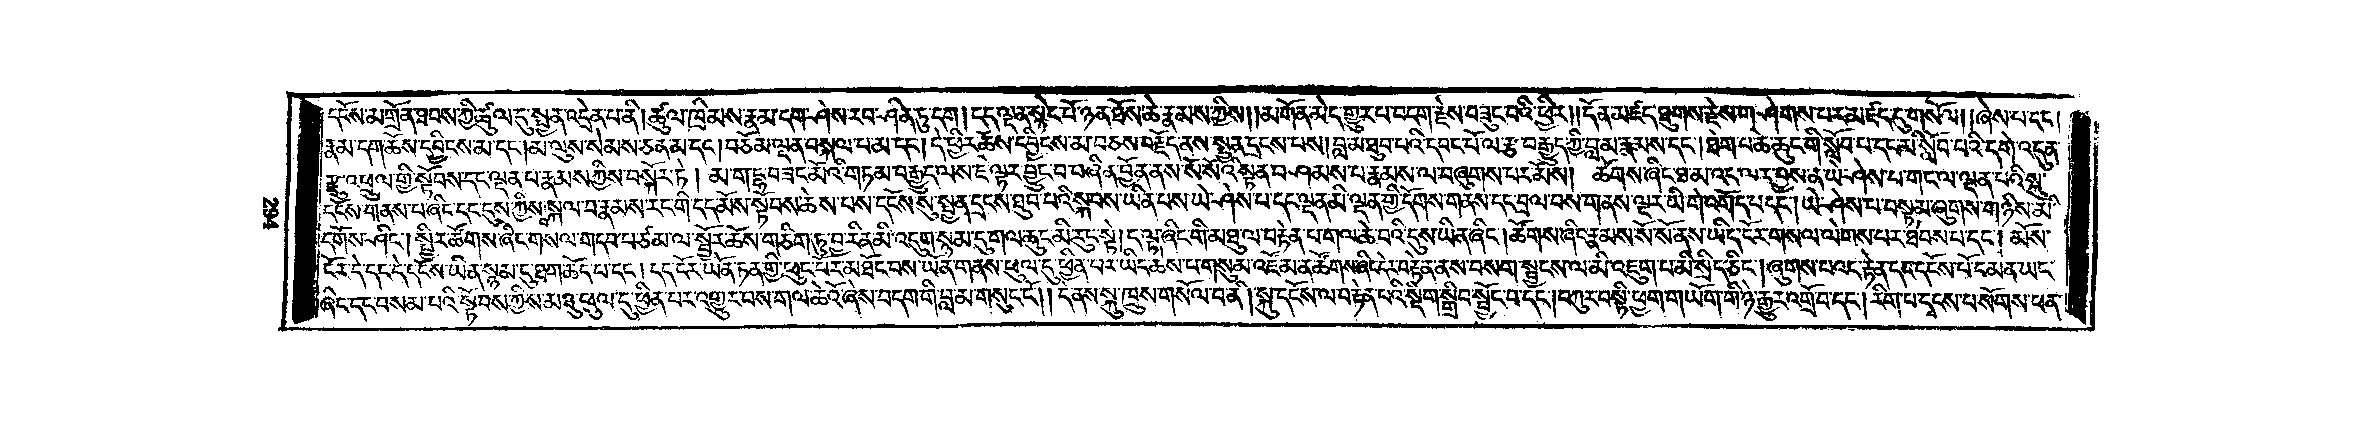དངོས་མགྲོན་ཐབས་ཀྱི་ཚུལ་དུ་སྤྱན་འདྲེན་པ་ནི། ཚུལ་ཁྲིམས་རྣམ་དག་ཤེས་རབ་ཤིན་ཏུ་དག །དད་ལྡན་སྙིང་པོ་ཉན་ཐོས་ཆེ་རྣམས་ཀྱིས། །མགོན་མེད་གྱུར་པ་བདག་རྗེས་བཟུང་བའི་ཕྱིར། །དོན་མཛད་ཐུགས་རྗེས་གཤེགས་པར་མཛད་དུ་གསོལ། །ཞེས་པ་དང་།
རྣམ་དག་ཆོས་དབྱིངས་མ་དང་། མ་ལུས་སེམས་ཅན་མ་དང་། བཅོམ་ལྡན་བསྐལ་པ་མ་དང་། དེ་ཕྱིར་ཆོས་དབྱིངས་མ་བཅས་བརྗོད་ནས་སྤྱན་དྲངས་པས། བླ་མ་ཐུབ་པའི་དབང་པོ་ལ་རྩ་བརྒྱུད་ཀྱི་བླ་མ་རྣམས་དང་། ཐེག་པ་ཆེ་ཆུང་གི་སློབ་པ་དང་མི་སློབ་པའི་དགེ་འདུན་
རྫུ་འཕྲུལ་གྱི་སྟོབས་དང་ལྡན་པ་རྣམས་ཀྱིས་བསྐོར་ཏེ། མ་ག་དྷ་བཟང་མོའི་གཏམ་བརྒྱུད་ལས་ཇི་ལྟར་བྱུང་བ་བཞིན་བྱོན་ནས་སོ་སོའི་སྟན་བཤམས་པ་རྣམས་ལ་བཞུགས་པར་མོས། ཚོགས་ཞིང་ཐ་མ་འདི་ལར་བྱས་ན་ཡེ་ཤེས་པ་གང་ལ་ལྡན་པའི་སྐུ་
དངོས་གནས་པ་ཞིང་དང་དུས་ཀྱིས་བསྐལ་བ་རྣམས་རང་གི་དད་མོས་སྟོབས་ཆེས་པས་དངོས་སུ་སྤྱན་དྲངས་ཐུབ་པའི་སྐབས་ཡིན་པས་ཡེ་ཤེས་པ་དང་ལྡན་མི་ལྡན་གྱི་དོགས་གནས་དང་བྲལ་བས་གནས་ལྔར་ཡི་གེ་འགོད་པ་དང་། ཡེ་ཤེས་པ་བསྟམ་ཞུགས་གཉིས་མི་
དགོས་ཤིང་། སྤྱིར་ཚོགས་ཞིང་གསལ་གདབ་པ་ཙམ་ལ་སྦྱོར་ཆོས་གཅིག་ཏུ་བྱ་རིན་མི་འདུག་སྙམ་དུ་གལ་ཆུང་མི་རུང་སྟེ། ད་ལྟ་ཞིང་གི་མཐུ་ལ་བརྟེན་པ་གལ་ཆེ་བའི་དུས་ཡིན་ཞིང་། ཚོགས་ཞིང་རྣམས་སོ་སོ་ནས་ཡིད་ངོར་གསལ་ལེགས་པར་ཐེབས་པ་དང་། མོས་
ངོར་དེ་དང་དེ་དངོས་ཡིན་སྙམ་དུ་ཐག་ཆོད་པ་དང་། དད་ངོར་ཡོན་ཏན་གྱི་ཕུང་པོར་མཐོང་བས་ཡོན་གནས་ཕུལ་དུ་ཕྱིན་པར་ཡིད་ཆེས་པ་གསུམ་འཛོམ་ན་ཚོགས་ཞིང་དེར་བརྟེན་ནས་བསག་སྦྱངས་ལ་མི་འཇུག་པ་མི་སྲིད་ཅིང་། ཞུགས་པའང་རྟེན་དང་དངོས་པོ་དམན་ཡང་
ཞིང་དང་བསམ་པའི་སྟོབས་ཀྱིས་མཐུ་ཕུལ་དུ་ཕྱིན་པར་འགྱུར་བས་གལ་ཆེའོ་ཞེས་བདག་གི་བླ་མ་གསུང་ངོ། །དེ་ནས་སྐུ་ཁྲུས་གསོལ་བ་ནི། སྐུ་དངོས་ལ་བརྟེན་པའི་སྡིག་སྒྲིབ་སྦྱོང་བ་དང་། བཀུར་བསྟི་ཕྱག་གཡོག་གི་ཉེ་རྒྱུར་འགྲོ་བ་དང་། རིག་པ་དྭངས་པ་སོགས་ཕན་